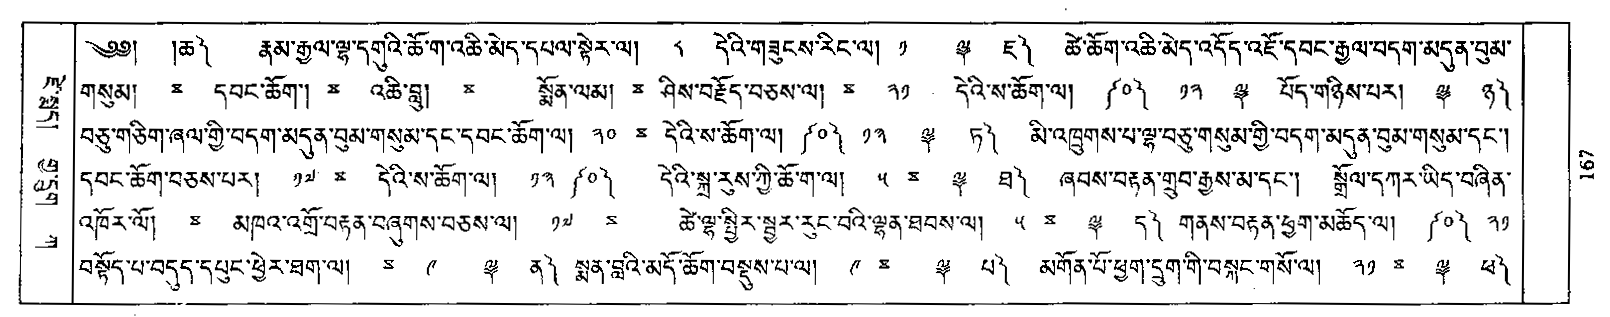༄༅། །ཆ྄་རྣམ་རྒྱལ་ལྷ་དགུའི་ཆོ་ག་འཆི་མེད་དཔལ་སྟེར་ལ། ༨་དེའི་གཟུངས་རིང་ལ། ༡་༈ ཇ྄་ཚེ་ཆོག་འཆི་མེད་འདོད་འཇོ་དབང་རྒྱལ་བདག་མདུན་བུམ་
གསུམ། ྾་དབང་ཆོག། ྾་འཆི་བླུ། ྾་སྨོན་ལམ། ྾་ཤིས་བརྗོད་བཅས་ལ། ྾ ༢༡་དེའི་ས་ཆོག་ལ། ༠? ༡༢་༈ པོད་གཉིས་པར། ༈ ཉ྄
བཅུ་གཅིག་ཞལ་གྱི་བདག་མདུན་བུམ་གསུམ་དང་དབང་ཆོག་ལ། ༢༠་྾་དེའི་ས་ཆོག་ལ། ༠? ༡༣་༈ ཏ྄་མི་འཁྲུགས་པ་ལྷ་བཅུ་གསུམ་གྱི་བདག་མདུན་བུམ་གསུམ་དང་།
དབང་ཆོག་བཅས་པར། ༡༧་྾་དེའི་ས་ཆོག་ལ། ༡༣ ༠?་དེའི་སྐྲ་རུས་ཀྱི་ཆོ་ག་ལ། ༥་྾་༈ ཐ྄་ཞབས་བརྟན་གྲུབ་རྒྱས་མ་དང་། སྒྲོལ་དཀར་ཡིད་བཞིན་
འཁོར་ལོ། ྾་མཁའ་འགྲོ་བརྟན་བཞུགས་བཅས་ལ། ༡༧་྾་ཚེ་ལྷ་སྤྱིར་སྦྱར་རུང་བའི་ལྷན་ཐབས་ལ། ༥་྾་༈ ད྄་གནས་བརྟན་ཕྱག་མཆོད་ལ། ༠? ༢༡
བསྟོད་པ་བདུད་དཔུང་ཕྱེར་ཐག་ལ། ྾ ༩་༈ ན྄་སྨན་བླའི་མདོ་ཆོག་བསྡུས་པ་ལ། ༩་྾་༈ པ྄་མགོན་པོ་ཕྱག་དྲུག་གི་བསྐང་གསོ་ལ། ༢༡་྾་༈ ཕ྄